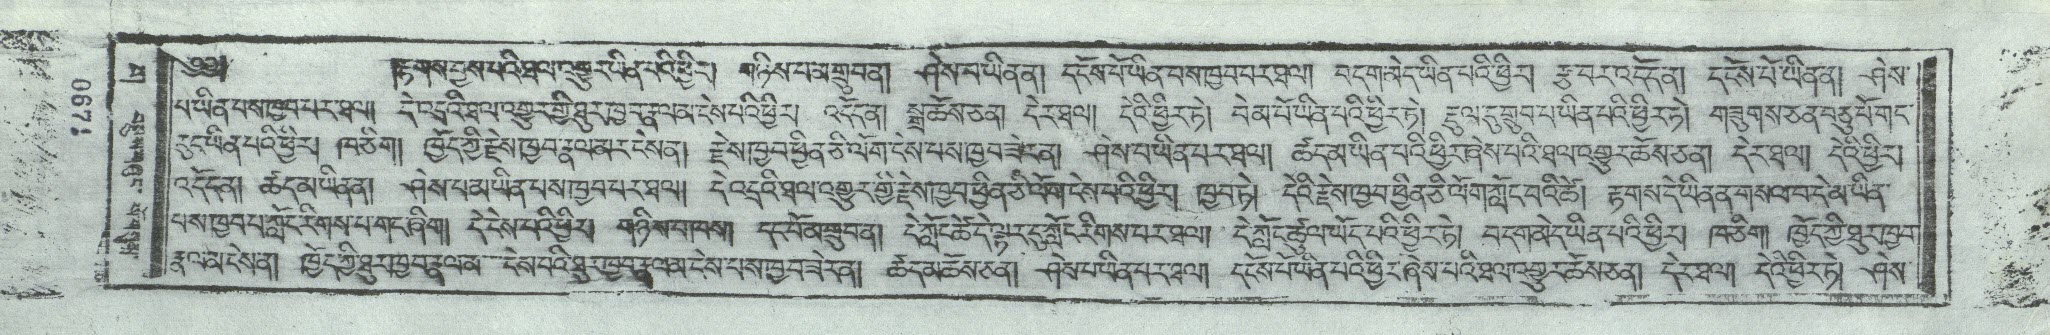༄༅། །རྟགས་བྱས་པའི་ཐལ་འགྱུར་ཡིན་པའི་ཕྱིར། གཉིས་པ་མ་གྲུབ་ན། ཤེས་པ་ཡིན་ན། དངོས་པོ་ཡིན་པས་ཁྱབ་པར་ཐལ། བདག་མེད་ཡིན་པའི་ཕྱིར། རྩ་བར་འདོད་ན། དངོས་པོ་ཡིན་ན། ཤེས་
པ་ཡིན་པས་ཁྱབ་པར་ཐལ། དེ་འདྲའི་ཐལ་འགྱུར་གྱི་ཐུར་ཁྱབ་རྣལ་མ་ངེས་པའི་ཕྱིར། འདོད་ན། སྒྲ་ཆོས་ཅན། དེར་ཐལ། དེའི་ཕྱིར་ཏེ། བེམ་པོ་ཡིན་པའི་ཕྱིར་ཏེ། རྡུལ་དུ་གྲུབ་པ་ཡིན་པའི་ཕྱིར་ཏེ། གཟུགས་ཅན་བཅུ་པོ་གང་
རུང་ཡིན་པའི་ཕྱིར། ཁ་ཅིག། ཁྱོད་ཀྱི་རྗེས་ཁྱབ་རྣལ་མར་ངེས་ན། རྗེས་ཁྱབ་ཕྱིན་ཅི་ལོག་ངེས་པས་ཁྱབ་ཟེར་ན། ཤེས་པ་ཡིན་པར་ཐལ། ཚང་མ་ཡིན་པའི་ཕྱིར་ཞེས་པའི་ཐལ་འགྱུར་ཆོས་ཅན། དེར་ཐལ། དེའི་ཕྱིར།
འདོད་ན། ཚད་མ་ཡིན་ན། ཤེས་པ་མ་ཡིན་པས་ཁྱབ་པར་ཐལ། དེ་འདྲའི་ཐལ་འགྱུར་གྱི་རྗེས་ཁྱབ་ཕྱིན་ཅི་ལོག་ངེས་པའི་ཕྱིར། ཁྱབ་ཏེ། དེའི་རྗེས་ཁྱབ་ཕྱིན་ཅི་ལོག་ཀློང་བའི་ཚེ། རྟགས་དེ་ཡིན་ན་གསལ་བ་དེ་མ་ཡིན་
པས་ཁྱབ་པ་ཀློང་རིགས་པ་གང་ཞིག། དེ་ངེས་པའི་ཕྱིར། གཉིས་པ་ཁས། དང་པོ་མ་གྲུབ་ན། དེ་ཀློང་ཚེ་དེ་ལྟར་དུ་ཀློང་རིགས་པར་ཐལ། དེ་ཀློང་ཚུལ་ཡོད་པའི་ཕྱིར་ཏེ། བདག་མེད་ཡིན་པའི་ཕྱིར། ཁ་ཅིག། ཁྱོད་ཀྱིཐུར་ཁྱབ་
རྣལ་མ་ངེས་ན། ཁྱོད་ཀྱི་ཐུར་ཁྱབ་རྣལ་མ་ངེས་པའི་ཐུར་ཁྱབ་རྣལ་མ་ངེས་པས་ཁྱབ་ཟེར་ན། ཚད་མ་ཆོས་ཅན། ཤེས་པ་ཡིན་པར་ཐལ། དངོས་པོ་ཡིན་པའི་ཕྱིར་ཞེས་པའི་ཐལ་འགྱུར་ཆོས་ཅན། དེར་ཐལ། དེའི་ཕྱིར་ཏེ། ཤེས་